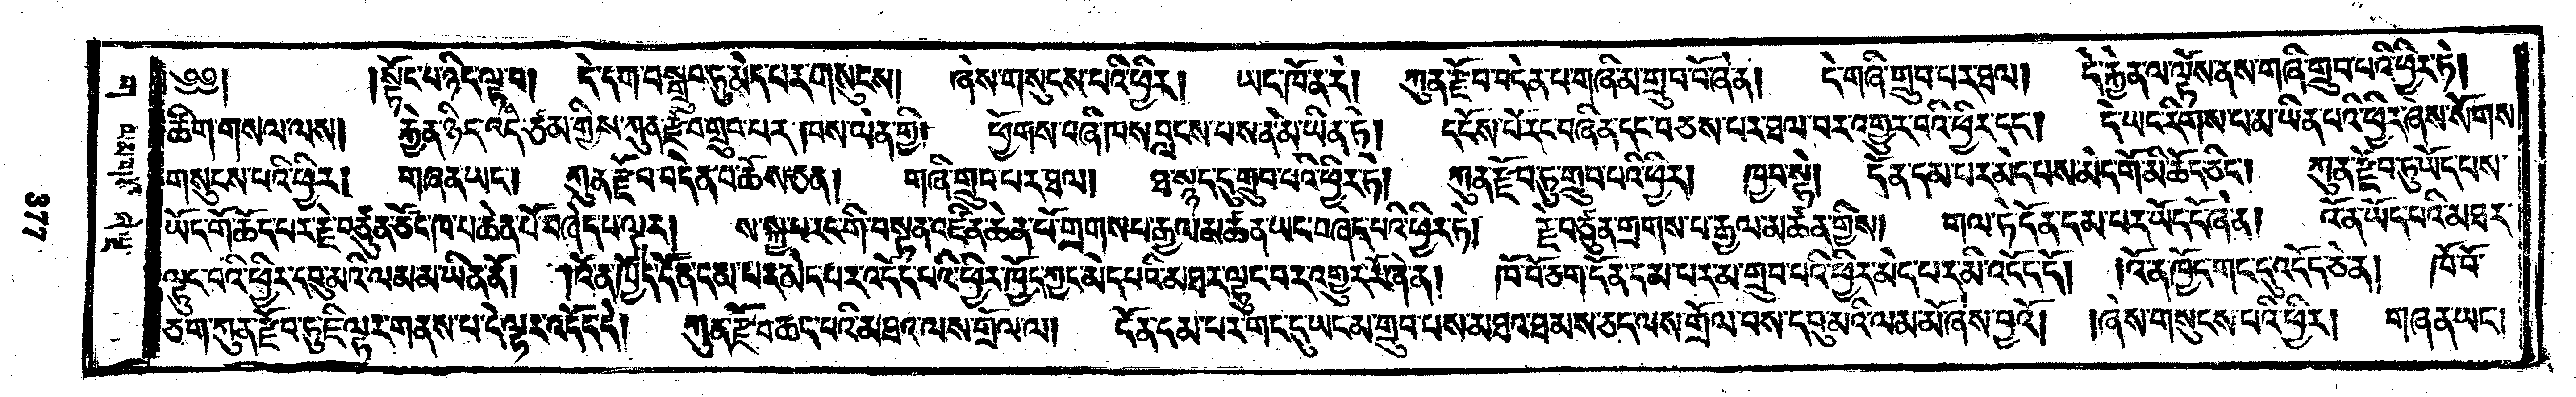༄༅། །སྟོང་པ་ཉིད་ལྟ་བ། དེ་དག་བསྒྲུབ་ཏུ་མེད་པར་གསུངས། ཞེས་གསུངས་པའི་ཕྱིར། ཡང་ཁོ་ན་རེ། ཀུན་རྫོབ་བདེན་པ་གཞི་མ་གྲུབ་བོ་ཞེ་ན། དེ་གཞི་གྲུབ་པར་ཐལ། དེ་རྐྱེན་ལ་ལྟོས་ནས་གཞི་གྲུབ་པའི་ཕྱིར་ཏེ།
ཚིག་གསལ་ལས། རྐྱེན་ཉིད་འདི་ཙམ་གྱིས་ཀུན་རྫོབ་གྲུབ་པར་ཁས་ལེན་གྱི། ཕྱོགས་བཞི་ཁས་བླངས་པས་ནེ་མ་ཡིན་ཏེ། དངོས་པོ་རང་བཞིན་དང་བཅས་པར་ཐལ་བར་འགྱུར་བའི་ཕྱིར་དང་། དེ་ཡང་རིགས་པ་མ་ཡིན་པའི་ཕྱིར་ཞེས་སོགས་
གསུངས་པའི་ཕྱིར། གཞན་ཡང་། ཀུན་རྫོབ་བདེན་པ་ཆོས་ཅན། གཞི་གྲུབ་པར་ཐལ། ཐ་སྙད་དུ་གྲུབ་པའི་ཕྱིར་ཏེ། ཀུན་རྫོབ་ཏུ་གྲུབ་པའི་ཕྱིར། ཁྱབ་སྟེ། དོན་དམ་པར་མེད་པས་མེད་གོ་མི་ཆོད་ཅིང་། ཀུན་རྫོབ་ཏུ་ཡོད་པས་
ཡོད་གོ་ཆོད་པར་རྗེ་བཙུན་ཙོང་ཁ་པ་ཆེན་པོ་བཞེད་པ་ལྟར། ས་སྐྱ་པ་རང་གི་བསྟན་འཛིན་ཆེན་པོ་གྲགས་པ་རྒྱལ་མཚན་ཡང་བཞེད་པའི་ཕྱིར་ཏེ། རྗེ་བཙུན་གྲགས་པ་རྒྱལ་མཚན་གྱིས། གལ་ཏེ་དོན་དམ་པར་ཡོད་དོ་ཞེ་ན། འོ་ན་ཡོད་པའི་མཐར་
ལྟུང་བའི་ཕྱིར་དབུ་མའི་ལམ་མ་ཡིན་ནོ། །འོ་ན་ཁྱོད་དོན་དམ་པར་མེད་པར་འདོད་པའི་ཕྱིར་ཁྱོད་ཀྱང་མེད་པའི་མཐར་ལྟུང་བར་འགྱུར་རོ་ཞེ་ན། ཁོ་བོ་ཅག་དོན་དམ་པར་མ་གྲུབ་པའི་ཕྱིར་མེད་པར་མི་འདོད་དོ། །འོ་ན་ཁྱོད་གང་དུ་འདོད་ཅེ་ན། ཁོ་བོ་
ཅག་ཀུན་རྫོབ་ཏུ་ཇི་ལྟར་གནས་པ་དེ་ལྟར་འདོད་དེ། ཀུན་རྫོབ་ཆད་པའི་མཐའ་ལས་གྲོལ་ལ། དོན་དམ་པར་གང་དུ་ཡང་མ་གྲུབ་པས་མཐའ་ཐམས་ཅད་ལས་གྲོལ་བས་དབུ་མའི་ལམ་མོ་ཞེས་བྱའོ། །ཞེས་གསུངས་པའི་ཕྱིར། གཞན་ཡང་།